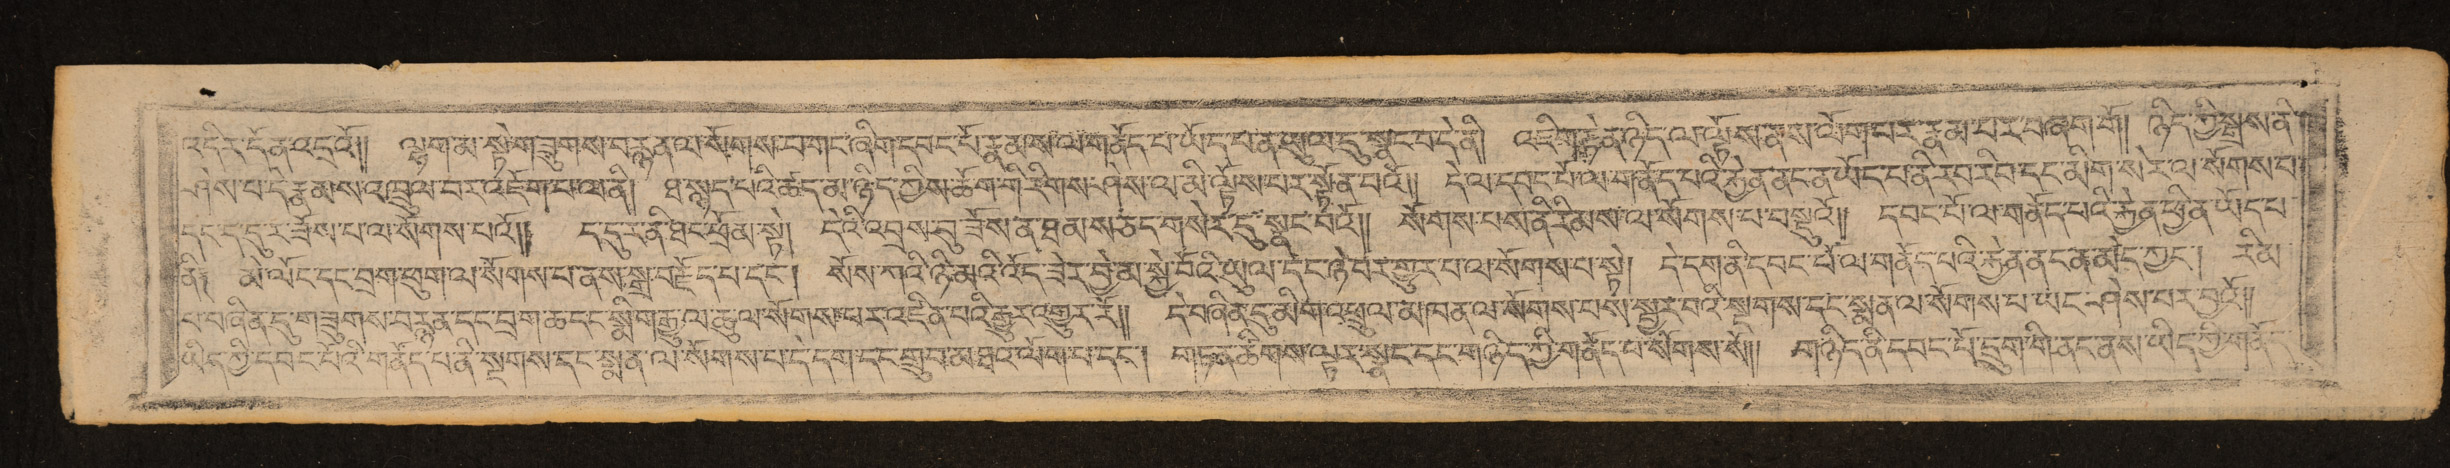འདིར་དོན་འདྲའོ།། ལྷག་མ་སྟེ་གཟུགས་བརྙན་ལ་སོགས་པ་གང་ཞིག་དབང་པོ་རྣམས་ལ་གནོད་པ་ཡོད་པ་ན་ཡུལ་དུ་སྣང་བ་དེ་ནི། འཇིག་རྟེན་ཉིད་ལ་ལྟོས་ནས་ལོག་པར་རྣམ་པར་བཞག་གོ། ཉིད་ཀྱི་སྒྲས་ནི་
ཤེས་པ་དེ་རྣམས་འཁྲུལ་པར་འཇོག་པ་ལ་ནི། ཐ་སྙད་པའི་ཚད་མ་ཉིད་ཀྱིས་ཆོག་གི་རིགས་ཤེས་ལ་མི་ལྟོས་པར་སྟོན་པའོ།། དེ་ལ་དབང་པོ་ལ་གནོད་པའི་རྐྱེན་ནང་ན་ཡོད་པ་ནི་རབ་རིབ་དང་མིག་སེར་ལ་སོགས་པ་
དང་ད་དུ་ར་ཟོས་པ་ལ་སོགས་པའོ།། ད་དུ་ར་ནི་ཐང་ཕྲོམ་སྟེ། དེའི་འབྲས་བུ་ཟོས་ན་ཐམས་ཅད་གསེར་དུ་སྣང་བའོ།། སོགས་པས་ནི་རིམས་ལ་སོགས་པ་བསྡུའོ།།དབང་པོ་ལ་གནོད་པའི་རྐྱེན་ཕྱི་ན་ཡོད་པ་
ནི༑ མེ་ལོང་དང་བྲག་ཕུག་ལ་སོགས་པ་ནས་སྒྲ་བརྗོད་པ་དང་། སོས་ཀའི་ཉི་མའི་འོད་ཟེར་བྱེ་མ་སྐྱེ་བོའི་ཡུལ་དང་ཉེ་བར་གྱུར་པ་ལ་སོགས་པ་སྟེ། དེ་དག་ནི་དབང་པོ་ལ་གནོད་པའི་རྐྱེན་ནང་ན་མེད་ཀྱང་། རིམ་
པ་བཞིན་དུ་གཟུགས་བརྙན་དང་བྲག་ཆ་དང་སྨིག་རྒྱུ་ལ་ཆུ་ལ་སོགས་པར་འཛིན་པའི་རྒྱུར་འགྱུར་རོ།། དེ་བཞིན་དུ་མིག་འཕྲུལ་མཁན་ལ་སོགས་པས་སྦྱར་བའི་སྔགས་དང་སྨན་ལ་སོགས་པ་ཡང་ཤེས་པར་བྱའོ།།
ཡིད་ཀྱི་དབང་པོའི་གནོད་པ་ནི་སྔགས་དང་སྨན་ལ་སོགས་པ་དེ་དག་དང་གྲུབ་མཐའ་ལོག་པ་དང་། གཏན་ཚིགས་ལྟར་སྣང་དང་གཉིད་ཀྱི་གནོད་པ་སོགས་སོ།། གཉིད་ནི་དབང་པོ་དྲུག་གི་ནང་ནས་ཡིད་ཀྱི་གནོད་